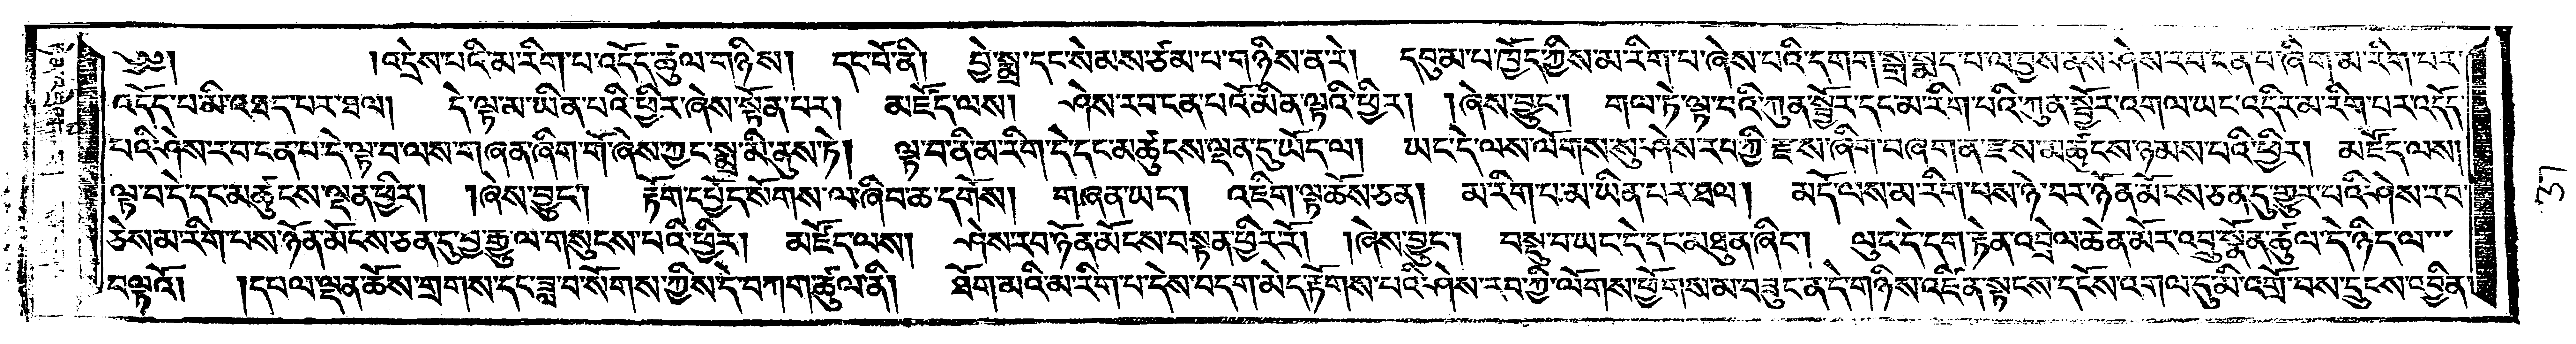༄༅། །འདྲེས་པའི་མ་རིག་པ་འདོད་ཚུལ་གཉིས། དང་པོ་ནི། བྱེ་སྨྲ་དང་སེམས་ཙམ་པ་གཉིས་ན་རེ། དབུམ་པ་ཁྱོད་ཀྱིས་མ་རིག་པ་ཞེས་པའི་དགག་སྒྲ་སྨད་པ་ལ་བྱས་ནས་ཤེས་རབ་ངན་པ་ཞིག་མ་རིག་པར་
འདོད་པ་མི་འཐད་པར་ཐལ། དེ་ལྟ་མ་ཡིན་པའི་ཕྱིར་ཞེས་སྟོན་པར། མཛོད་ལས། ཤེས་རབ་ངན་པའོ་མིན་ལྟའི་ཕྱིར། །ཞེས་བྱུང་། གལ་ཏེ་ལྟ་བའི་ཀུན་སྦྱོར་དང་མ་རིག་པའི་ཀུན་སྦྱོར་འགལ་ཡང་འདིར་མ་རིག་པར་འདོད་
པའི་ཤེས་རབ་ངན་པ་དེ་ལྟ་བ་ལས་གཞན་ཞིག་གོ་ཞེས་ཀྱང་སྨྲ་མི་ནུས་ཏེ། ལྟ་བ་ནི་མ་རིག་དེ་དང་མཚུངས་ལྡན་དུ་ཡོད་ལ། ཡང་དེ་ལས་ལོགས་སུ་ཤེས་རབ་ཀྱི་རྫས་ཞིག་བཞག་ན་རྫས་མཚུངས་ཉམས་པའི་ཕྱིར། མཛོད་ལས།
ལྟ་བ་དེ་དང་མཚུངས་ལྡན་ཕྱིར། །ཞེས་བྱུང་། རྟོག་དཔྱོད་སོགས་ལ་ཞིབ་ཆ་དགོས། གཞན་ཡང་། འཇིག་ལྟ་ཆོས་ཅན། མ་རིག་པ་མ་ཡིན་པར་ཐལ། མདོ་ལས་མ་རིག་པས་ཉེ་བར་ཉོན་མོངས་ཅན་དུ་གྱུར་པའི་ཤེས་རབ་
ཅེས་མ་རིག་པས་ཉོན་མོངས་ཅན་དུ་བྱ་རྒྱུ་ལ་གསུངས་པའི་ཕྱིར། མཛོད་ལས། ཤེས་རབ་ཉོན་མོངས་བསྟན་ཕྱིར་རོ། །ཞེས་བྱུང་། བསྡུ་བ་ཡང་དེ་དང་མཐུན་ཞིང་། ལུང་དེ་དག་རྟེན་འབྲེལ་ཆེན་མོར་འབྲུ་སྣོན་ཚུལ་དེ་ཉིད་ལ་
བལྟའོ། །དཔལ་ལྡན་ཆོས་གྲགས་དང་ཟླ་བ་སོགས་ཀྱིས་དེ་བཀག་ཚུལ་ནི། ཐོག་མའི་མ་རིག་པ་དེས་བདག་མེད་རྟོགས་པའི་ཤེས་རབ་ཀྱི་ལོགས་ཕྱོགས་མ་བཟུང་ན་དེ་གཉིས་འཛིན་སྟངས་དངོས་འགལ་དུ་མི་འགྲོ་བས་དྲུངས་འབྱིན་